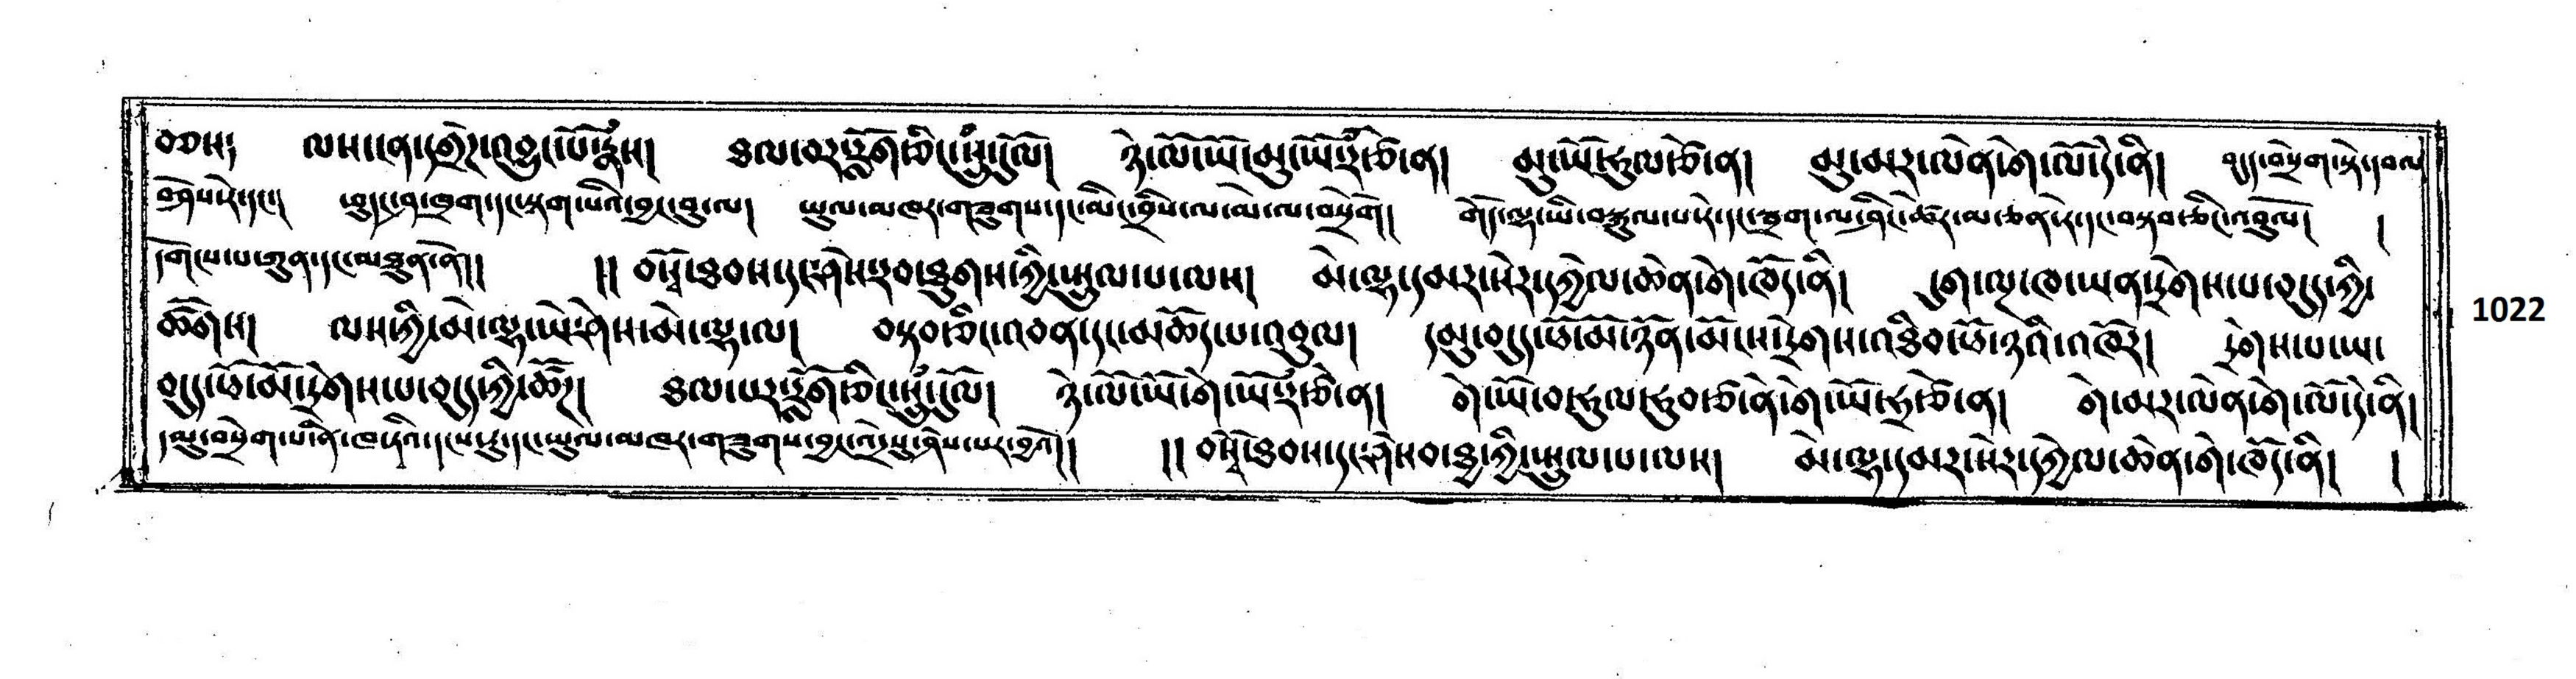བཅས། ལས་ངན་དགྲ་བགེགས་འབྱུང་པོ་རྣམས། ཐལ་བར་རློག་ཅིང་སྲུང་དུ་གསོལ། ཉེ་ལོ་ཡོ་མུ་ཡོ་རཾ་ཙེ་ན། མུ་ཡོ་ཧུལ་ཙེ་ན། མུ་མར་ལེན་གེ་ལོ་དེ་ནི། བདུད་བསྲེག་སྟེ་དབལ་
བཤོས་རེ་དང་། ཕུད་དང་ཤ་ཁྲག་དང་སྟག་པའི་བྱང་བུ་ལ། ཡུལ་མཁར་གཟུགས་དང་མིང་བྲིས་ལ་མེ་ལ་བསྲེག་གོ གེ་ཁོད་ལྷ་ཡི་བསྐུལ་པ་རེ་དང་སྦྲག་ལ་ཤིང་ཚེར་མ་ཅན་རེ་དང་བསྟབ་ཅིང་འབུལ་ལོ། །
དགོངས་པ་ཀུན་དང་མཐུན་ནོ།། །།བསྭོ་ཐབས་དང་ཤེས་རབ་ཐུགས་ཀྱི་སྤྲུལ་པ་ལས། མེ་ལྷ་དམར་སེར་དཀྱེལ་ཆེན་གེ་ཁོད་ནི། དུག་ལྔ་ཁ་ཡན་དྲེགས་པ་བདུད་ཀྱི་
ཚོགས། ལས་ཀྱི་མེ་ལྷ་ཡེ་ཤེས་མེ་ལྷ་ལ། བསྟབ་ཅིང་འབན་དང་མཆོད་པ་འབུལ། དམུ་བདུད་ཕོ་མོ་ཉོན་མོངས་དྲེགས་འཐིབ་ཕོ་ཉའི་འཁོར། དྲེགས་པ་ཡ་
བདུད་ཕོ་མོ་དྲེགས་པ་བདུད་ཀྱི་ཚོགས། ཐལ་བར་རློག་ཅིང་སྲུང་དུ་གསོལ། ཉེ་ལོ་ཡོ་གེ་ཡོ་རཾ་ཙེ་ན། གེ་ཡོ་བ་ཧུལ་ཧུབ་ཙ་ནེ་གེ་ཡོ་ཧྲ་ཙེ་ན། གེ་མར་ལེན་གེ་ལོ་དེ་ནི། 
དམུ་བསྲེག་པ་ནི་ཁ་ཏྭའི་དང་རུ་དང་ཡུལ་མཁར་གཟུགས་བྱང་འདྲེས་སུ་ཤེས་པར་བྱའོ།། །།བསྭོ་ཐབས་དང་ཤེས་རབ་ཐུགས་ཀྱི་སྤྲུལ་པ་ལས། མེ་ལྷ་དམར་སེར་དཀྱེལ་ཆེན་གེ་ཁོད་ནི།